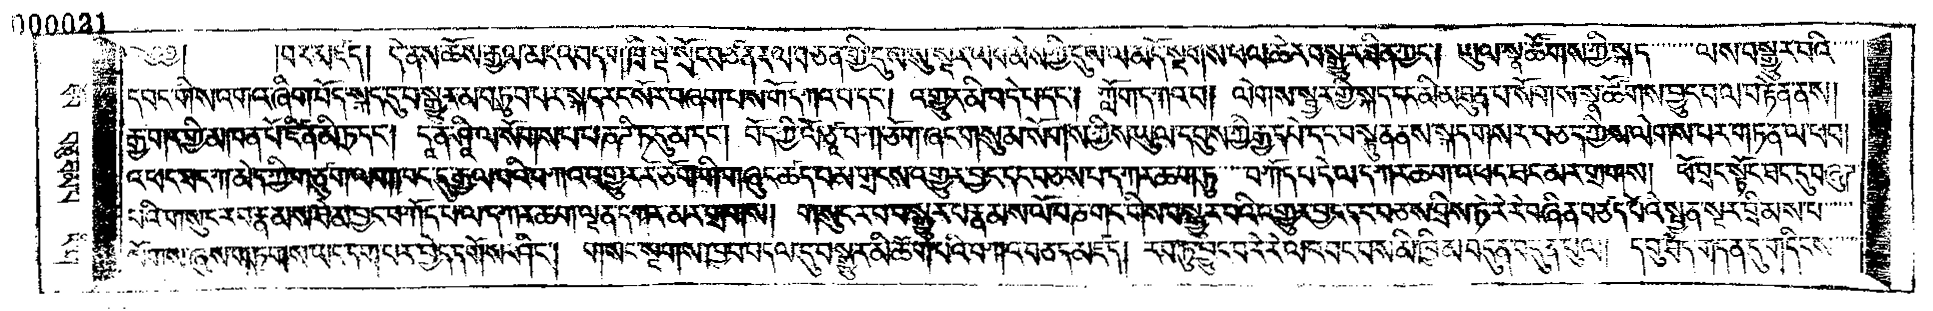༄༅། །བར་མཛད། དེ་ནས་ཆོས་རྒྱལ་མངའ་བདག་ཁྲི་སྡེ་སྲོང་བཙན་རལ་བ་ཅན་གྱི་དུས་སུ་སྔར་ཡབ་མེས་ཀྱི་དུས་ལ་མདོ་སྔགས་ཕལ་ཆེར་བསྒྱུར་ཟིན་ཀྱང་། ཡུལ་སྣ་ཚོགས་ཀྱི་སྐད་ལས་བསྒྱུར་བའི་
དབང་གིས་འགའ་ཞིག་བོད་སྐད་དུ་བསྒྱུར་མ་བཏུབ་པར་སྐད་རང་སོར་བཞག་པས་གོ་དཀའ་བ་དང་། འགྱུར་མི་བདེ་པ་དང་། ཀློག་དཀའ་བ། ལེགས་སྦྱར་གྱི་སྐད་དང་མི་མཐུན་པ་སོགས་སྣ་ཚོགས་བྱུང་བ་ལ་བརྟེན་ནས།
རྒྱ་གར་གྱི་མཁན་པོ་ཛིན་མི་ཏྲ་དང་། དཱ་ན་ཤཱི་ལ་སོགས་པ་པཎྜི་ཏ་དུ་མ་དང་། བོད་ཀྱི་ལོ་ཙཱ་བ་ཀ་ཅོག་ཞང་གསུམ་སོགས་ཀྱིས་ཡུལ་དབུས་ཀྱི་རྒྱ་དཔེ་དང་བསྟུན་ནས་སྐད་གསར་བཅད་ཀྱིས་ལེགས་པར་གཏན་ལ་ཕབ།
འཕང་ཐང་ཀ་མེད་ཀྱི་གཙུག་ལག་ཁང་དུ་རྒྱལ་བའི་བཀའ་འགྱུར་རོ་ཅོག་གི་གཞུང་ཚད་བམ་གྲངས་འགྱུར་བྱང་དང་བཅས་པ་དཀར་ཆག་ཏུ་བཀོད་པ་དེ་ལ་དཀར་ཆག་འཕང་ཐང་མར་གྲགས། ཕོ་བྲང་སྟོང་ཐང་དུ་བཞུཌ་
པའི་གསུང་རབ་རྣམས་ཐེམ་བྱང་བཀོད་པ་ལ་དཀར་ཆག་ལྡན་དཀར་མར་གྲགས། གསུང་རབ་བསྒྱུར་པ་རྣམས་ལོ་པཎ་གང་གིས་བསྒྱུར་བའི་འགྱུར་བྱང་དང་བཅས་བྲིས་ཏེ་རེ་རེ་བཞིན་བཙད་པོའི་སྤྱན་སྔར་བྲི་མས་པ་
སོགས་ཞུས་གཏུགས་ཡང་དག་པར་བྱེད་དགོས་ཤིང་། གསང་སྔགས་ཁྱབ་བ་དལ་དུ་བསྒྱུར་མི་ཆོག་པའི་བཀའ་བཅད་མཛད། རབ་ཏུ་བྱུང་བ་རེ་རེ་ལ་འབང་བས་མི་ཁྱིམ་བདུན་བདུན་ཕུལ། དབུ་ཐོད་གདན་དུ་གདིངས་